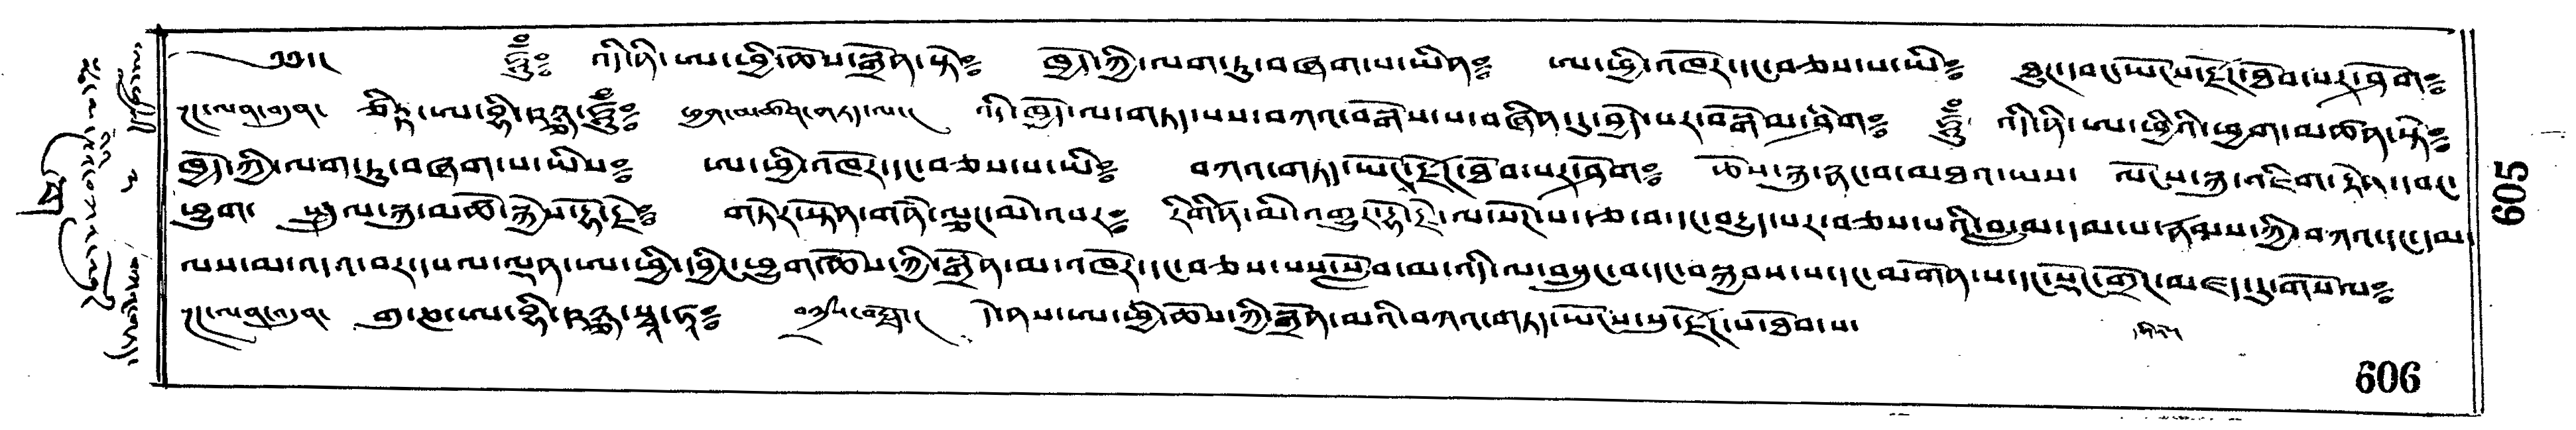༄༅། །ཧཱུྃཿ འདི་ནི་ཨ་ཕྱི་ཆོས་སྒྲོན་སྟེཿ ཁྱོད་ཀྱི་ལག་ཏུ་བཞག་པ་ཡིསཿ ཨ་ཕྱི་འཁོར་དང་བཅས་པ་ཡིཿ ཐུགས་དབང་ཡོངས་རྫོགས་ཐོབ་པར་ཤོགཿ 
སྔགས་ལན་བདུན། ཙིཏྟ་ཨ་བྷི་རིཉྩ་ཧཱུྃཿ ཕྱག་མཚན་གཏད་ལ། འདི་ཁྱོད་ལ་གཏད་པས་བཀའ་བསྒོས་པ་བཞིན་དུ་བྱེད་པར་སྒོམས་ཤིགཿ ཧཱུྃ། འདི་ནི་ཨ་ཕྱིའི་ཕྱག་མཚན་ཏེཿ 
ཁྱོད་ཀྱི་ལག་ཏུ་བཞག་པ་ཡིསཿ ཨ་ཕྱི་འཁོར་དང་བཅས་པ་ཡིཿ བཀའ་གཏད་ཡོངས་རྫོགས་ཐོབ་པར་ཤོགཿ ཆོས་སྐུ་སྣང་བ་མཐའ་ཡསཿ ལོངས་སྐུ་འཇིག་རྟེན་དབང་
ཕྱུགཿ སྤྲུལ་སྐུ་མཚོ་སྐྱེས་རྡོ་རྗེཿ གཏེར་སྟོན་གནམ་ལྕགས་མེ་འབརཿ རིག་འཛིན་མི་འགྱུར་རྡོ་རྗེ་ལ་སོགས་པ་རྩ་བ་དང་བརྒྱུད་པར་བཅས་པའི་བླ་མ་དམ་པ་རྣམས་ཀྱི་བཀའ་དང་དམ་
ལས་མ་འདའ་བར་དཔལ་ལྡན་ཨ་ཕྱི་དབྱིངས་ཕྱུག་ཆོས་ཀྱི་སྒྲོན་མ་འཁོར་དང་བཅས་པས་སློབ་མ་འདི་ལ་སྲུང་བ་དང་སྐྱོབ་པ་དང་མགོན་པ་དང་སྡོང་གྲོགས་མཛད་དུ་གསོལཿ 
སྔགས་ལན་བདུན། གུ་ཎ་ཨ་བྷི་རིཉྩ་སྭ་ཧཱཿ བཀྲ་ཤིས་བརྗོད། དེས་ཨ་ཕྱི་ཆོས་ཀྱི་སྒྲོན་མའི་བཀའ་གཏད་ཡོངས་སུ་རྫོགས་པ་ཐོབ་པོ།། ༦༠༦༽